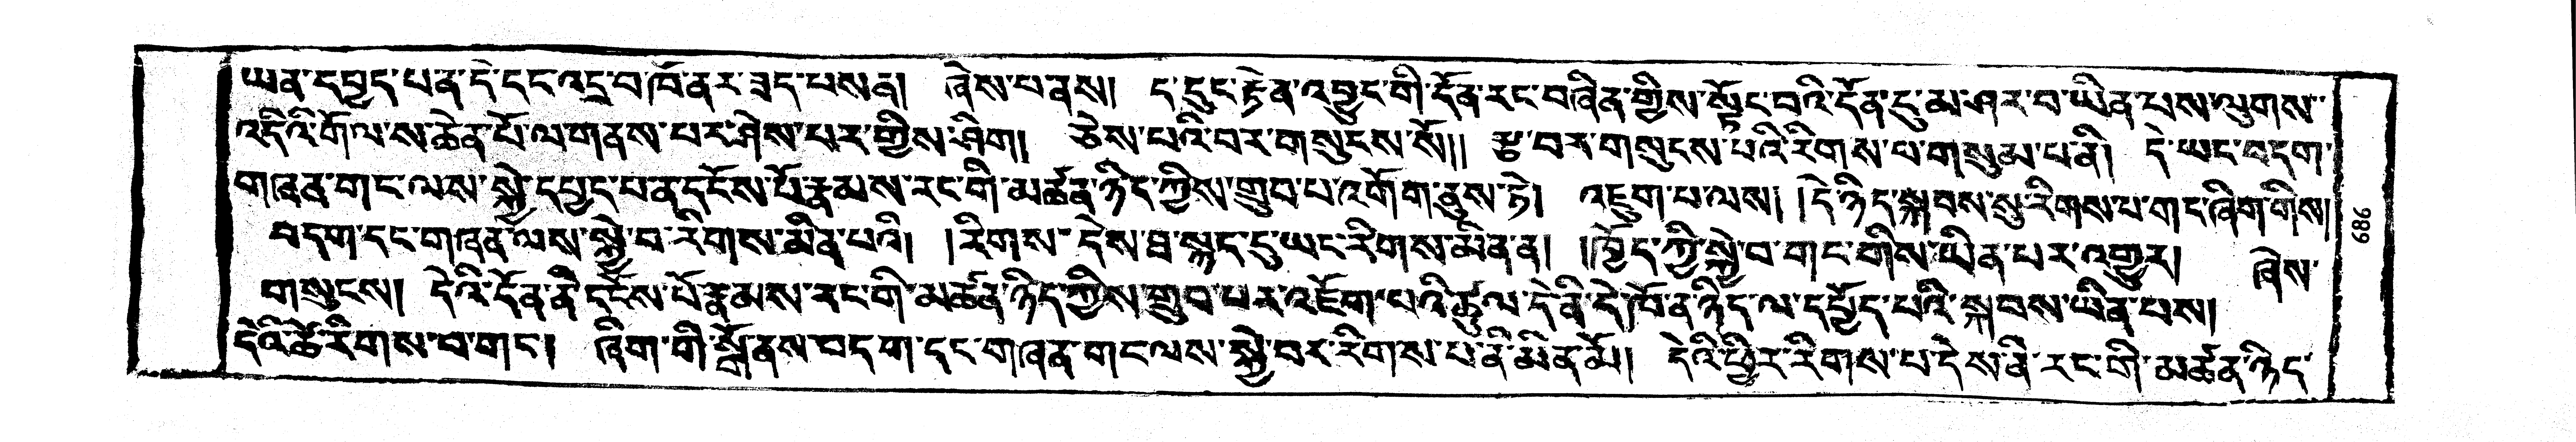ཡན་དཔྱད་པ་ན་དེ་དང་འདྲ་བ་ཁོ་ནར་ཟད་པས་ན། ཞེས་པ་ནས། ད་དུང་རྟེན་འབྱུང་གི་དོན་རང་བཞིན་གྱིས་སྟོང་བའི་དོན་དུ་མ་ཤར་བ་ཡིན་པས་ལུགས་
འདིའི་གོ་ལ་ས་ཆེན་པོ་ལ་གནས་པར་ཤེས་པར་གྱིས་ཤིག། ཅེས་པའི་བར་གསུངས་སོ། །རྩ་བར་གསུངས་པའི་རིགས་པ་གསུམ་པ་ནི། དེ་ཡང་བདག་
གཞན་གང་ལས་སྐྱེ་དཔྱད་པ་ན་དངོས་པོ་རྣམས་རང་གི་མཚན་ཉིད་ཀྱིས་གྲུབ་པ་འགོག་ནུས་ཏེ། འཇུག་པ་ལས། །དེ་ཉིད་སྐབས་སུ་རིགས་པ་གང་ཞིག་གིས།
བདག་དང་གཞན་ལས་སྐྱེ་བ་རིགས་མིན་པའི། །རིགས་དེས་ཐ་སྙད་དུ་ཡང་རིགས་མིན་ན། །ཁྱོད་ཀྱི་སྐྱེ་བ་གང་གིས་ཡིན་པར་འགྱུར། ཞེས་
གསུངས། དེའི་དོན་ནི་དངོས་པོ་རྣམས་རང་གི་མཚན་ཉིད་ཀྱིས་གྲུབ་པར་འཇོག་པའི་ཚུལ་དེ་ནི་དེ་ཁོ་ན་ཉིད་ལ་དཔྱོད་པའི་སྐབས་ཡིན་པས།
དེའི་ཚེ་རིགས་པ་གང་། ཞིག་གི་སྒོ་ནས་བདག་དང་གཞན་གང་ལས་སྐྱེ་བར་རིགས་པ་ནི་མིན་མོ། དེའི་ཕྱིར་རིགས་པ་དེས་ནི་རང་གི་མཚན་ཉིད་